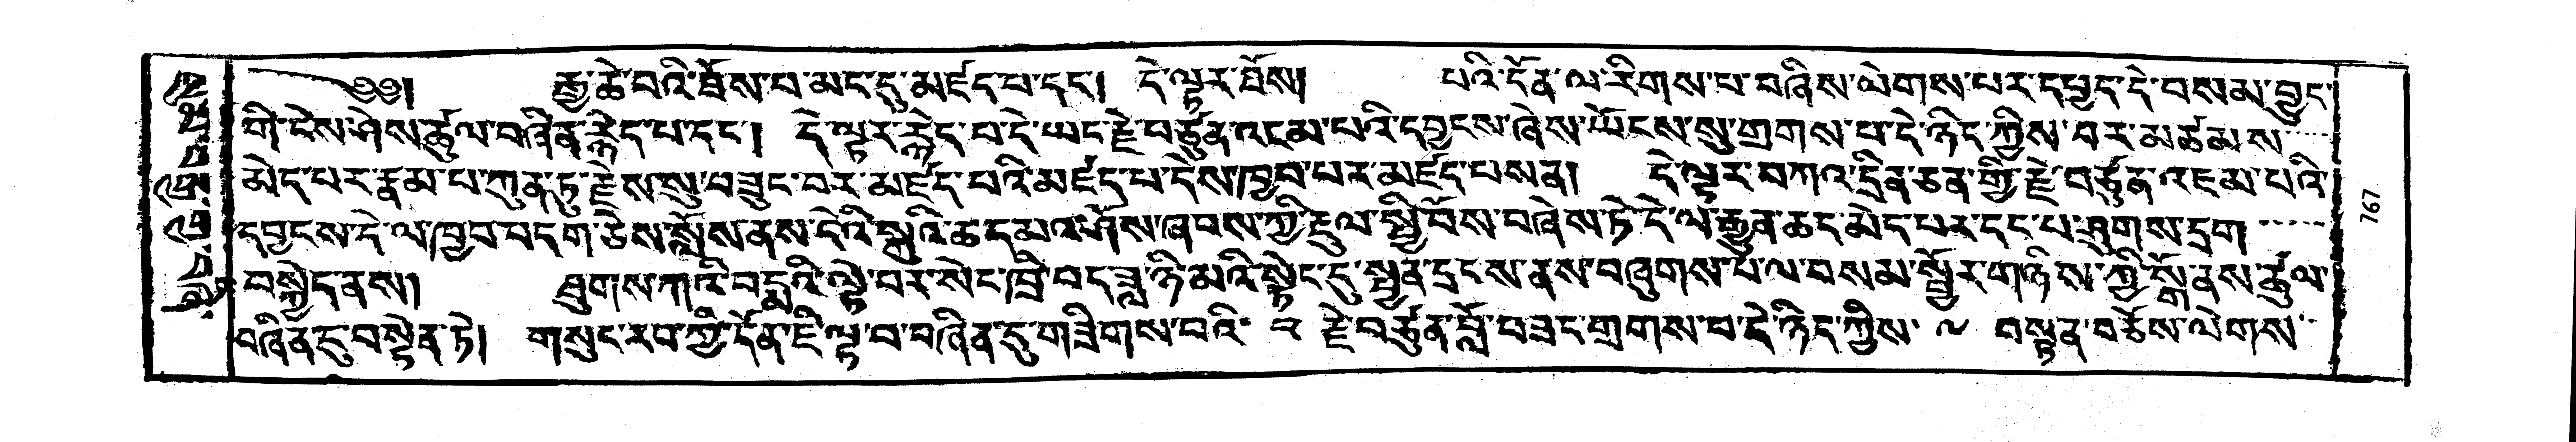༄༅། །རྒྱ་ཆེ་བའི་ཐོས་པ་མང་དུ་མཛད་པ་དང་། དེ་ལྟར་ཐོས། པའི་དོན་ལ་རིགས་པ་བཞིས་ལེགས་པར་དཔྱད་དེ་བསམ་བྱུང་
གི་ངེས་ཤེས་ཚུལ་བཞིན་རྙེད་པ་དང་། དེ་ལྟར་རྙེད་པ་དེ་ཡང་རྗེ་བཙུན་འཇམ་པའི་དབྱངས་ཞེས་ཡོངས་སུ་གྲགས་པ་དེ་ཉིད་ཀྱིས་བར་མཚམས་
མེད་པར་རྣམ་པ་ཀུན་ཏུ་རྗེས་སུ་བཟུང་བར་མཛད་པའི་མཛད་པ་དེས་ཁྱབ་པར་མཛད་པས་ན། དེ་ལྟར་བཀའ་དྲིན་ཅན་གྱི་རྗེ་བཙུན་འཇམ་པའི་
དབྱངས་དེ་ལ་ཁྱབ་བདག་ཅེས་སློས་ནས་དེའི་སྐུའི་ཆ་དམའ་ཤོས་ཞབས་ཀྱི་རྡུལ་སྤྱི་བོས་བཞེས་ཏེ་དེ་ལ་རྒྱུན་ཆད་མེད་པར་དང་པ་ཤུགས་དྲག་
བསྐྱེད་ནས། ཐུགས་ཀའི་པདམའི་ལྟེ་བར་སེང་ཁྲི་བད་ཟླ་ཉི་མའི་སྟེང་དུ་སྤྱན་དྲངས་ནས་བཞུགས་པ་ལ་བསམ་སྦྱོར་གཉིས་ཀྱི་སྒོ་ནས་ཚུལ་
བཞིན་དུ་བསྟེན་ཏེ། གསུང་རབ་ཀྱི་དོན་ཇི་ལྟ་བ་བཞིན་དུ་གཟིགས་པའི་རྗེ་བཙུན་བློ་བཟང་གྲགས་པ་དེ་ཉིད་ཀྱིས ༧་བསྟན་བཅོས་ལེགས་